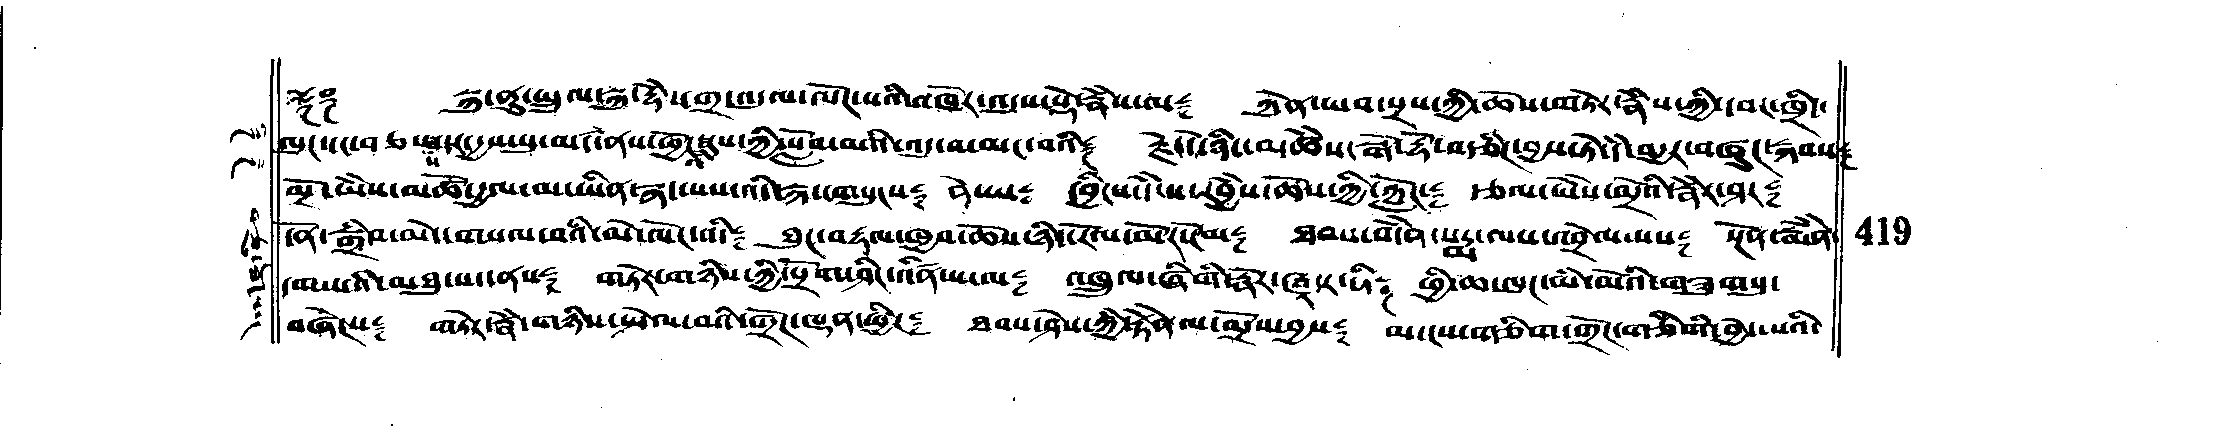སྐུ་ནུ་སྤྲུལ་སྐུ་རྡོ་རྗེ་དགྲ་འདུལ་ལ་སོགས་པའི་འཁོར་འདུས་སྡེ་རྣམས་ལ། ཀུན་མཁྱེན་ཡབ་སྲས་ཀྱི་ཆོས་གཏེར་རྣམས་ཀྱི་དབང་ཁྲིད་
ལུང་དང་བཅས་པ་དར་རྒྱས་སུ་མཛད་ནས་ཕྱོགས་འདུས་ཀྱི་སློབ་མའི་འདུ་བ་མང་བའི༼བས?༽། རྗེ་དེ་ཉིད་མཚམས་སྒོ་རྡོ་བརྩིགས་བྱས་ཏེ་དམ་བརྒྱར་བཞུགས་སྐབས། 
མཁའ་འགྲོ་ཡེ་ཤེས་མཚོ་རྒྱལ་མ་ཡིན་སྐད་པས་འདི་སྐད་གསུངས། ཧེ་ཡཿ དབྱིངས་དམ་པ་རབ་འབྱམས་ཆོས་ཀྱི་ཀློང་། །རྩལ་ཡེ་ཤེས་མཁའ་འགྲོའི་རྣལ་འབྱོར་ཤར། །
དོན་སྒྲིབ་མེད་གསལ་བའི་མེ་ལོང་འདི། །ཐུགས་བརྡལ་ཁྱབ་ཆོས་ཉིད་རོལ་མོར་ངོམ། །ཐབས་བདེ་ཆེན་པདྨ་ལས་འབྲེལ་པས། །སྔོན་སྨོན་ལམ་
དག་པའི་མཐུ་སད་ནས། །གཏེར་གཉིས་ཀྱི་སྲོག་ཤིང་འཛིན་པ་ལ། །འཁྲུལ་ཞིག་གི་རྣལ་འབྱོར་ཝཱ་ར་ཧི། །ཕྱི་ཆ་ལུགས་མི་མོའི་གཟུགས་སུ་
བཞེངས། །གཏེར་རྣམས་གཉིས་སྤེལ་བའི་གྲོགས་ལྡན་ཕྱིར། །ཐབས་ཤེས་ཀྱི་རྟེན་འབྲེལ་མཁའ་འགྲོས་བྱས། །མདངས་གཅིག་གྲོགས་གཅིག་གི་བྱེད་པའི་